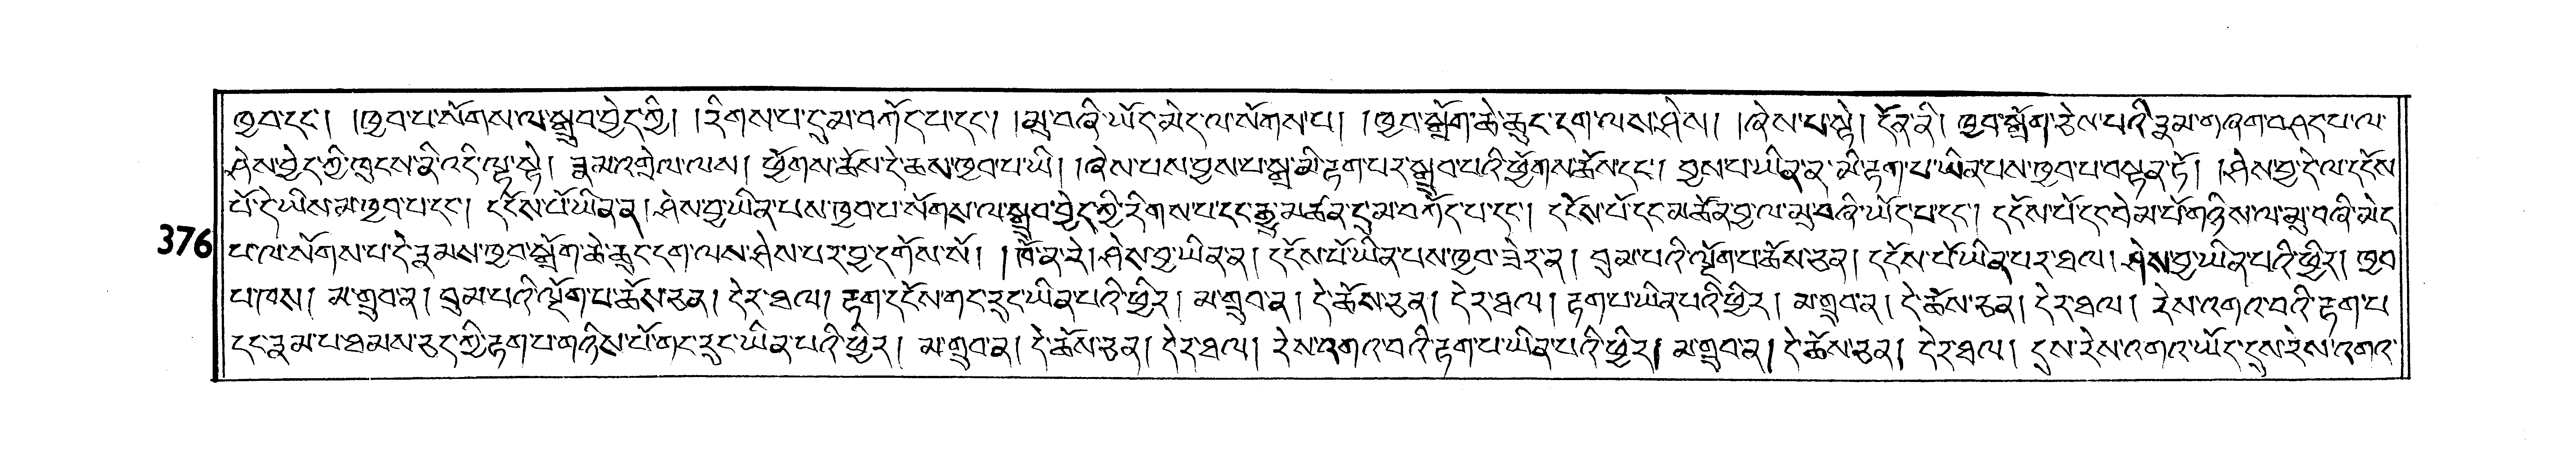ཁྱབ་དང་། །ཁྱབ་པ་སོགས་ལ་སྒྲུབ་བྱེད་ཀྱི། །རིགས་པ་དུ་མ་བཀོད་པ་དང་། །མུ་བཞི་ཡོད་མེད་ལ་སོགས་པ། །ཁྱབ་སྒྲོག་ཆེ་ཆུང་དག་ལས་ཤེས། །ཞེས་པ་སྟེ། དོན་ནི། ཁྱབ་སྒྲོག་ཅེས་པའི་རྣམ་གཞག་བཤད་པ་ལ་
ཤེས་བྱེད་ཀྱི་ཁུངས་ནི་འདི་ལྟ་སྟེ། རྣམ་འགྲེལ་ལས། ཕྱོགས་ཆོས་དེ་ཆས་ཁྱབ་པ་ཡི། །ཞེས་པས་བྱས་པ་སྒྲ་མི་རྟག་པར་སྒྲུབ་པའི་ཕྱོགས་ཆོས་དང་། བྱས་པ་ཡིན་ན་མི་རྟག་པ་ཡིན་པས་ཁྱབ་པ་བསྟན་ཏོ། །ཤེས་བྱ་དེ་ལ་དངོས་
པོ་དེ་ཡིས་མ་ཁྱབ་པ་དང་། དངོས་པོ་ཡིན་ན། ཤེས་བྱ་ཡིན་པས་ཁྱབ་པ་སོགས་ལ་སྒྲུབ་བྱེད་ཀྱི་རིགས་པ་དང་རྒྱུ་མཚན་དུ་མ་བཀོད་པ་དང་། དངོས་པོ་དང་མཚོན་བྱ་ལ་མུ་བཞི་ཡོད་པ་དང་། དངོས་པོ་དང་བེམ་པོ་གཉིས་ལ་མུ་བཞི་མེད་
པ་ལ་སོགས་པ་དེ་རྣམས་ཁྱབ་སྒྲོག་ཆེ་ཆུང་དག་ལས་ཤེས་པར་བྱ་དགོས་སོ། །ཁོ་ན་རེ། ཤེས་བྱ་ཡིན་ན། དངོས་པོ་ཡིན་པས་ཁྱབ་ཟེར་ན། བུམ་པའི་ལྡོག་པ་ཆོས་ཅན། དངོས་པོ་ཡིན་པར་ཐལ། ཤེས་བྱ་ཡིན་པའི་ཕྱིར། ཁྱབ་
པ་ཁས། མ་གྲུབ་ན། བུམ་པའི་ལྡོག་པ་ཆོས་ཅན། དེར་ཐལ། རྟག་དངོས་གང་རུང་ཡིན་པའི་ཕྱིར། མ་གྲུབ་ན། དེ་ཆོས་ཅན། དེར་ཐལ། རྟག་པ་ཡིན་པའི་ཕྱིར། མ་གྲུབ་ན། དེ་ཆོས་ཅན། དེར་ཐལ། རེས་འགའ་བའི་རྟག་པ་
དང་རྣམ་པ་ཐམས་ཅད་ཀྱི་རྟག་པ་གཉིས་པོ་གང་རུང་ཡིན་པའི་ཕྱིར། མ་གྲུབ་ན། དེ་ཆོས་ཅན། དེར་ཐལ། རེས་འགའ་བའི་རྟག་པ་ཡིན་པའི་ཕྱིར། མ་གྲུབ་ན། དེ་ཆོས་ཅན། དེར་ཐལ། དུས་རེས་འགའ་ཡོད་དུས་རེས་འགའ་